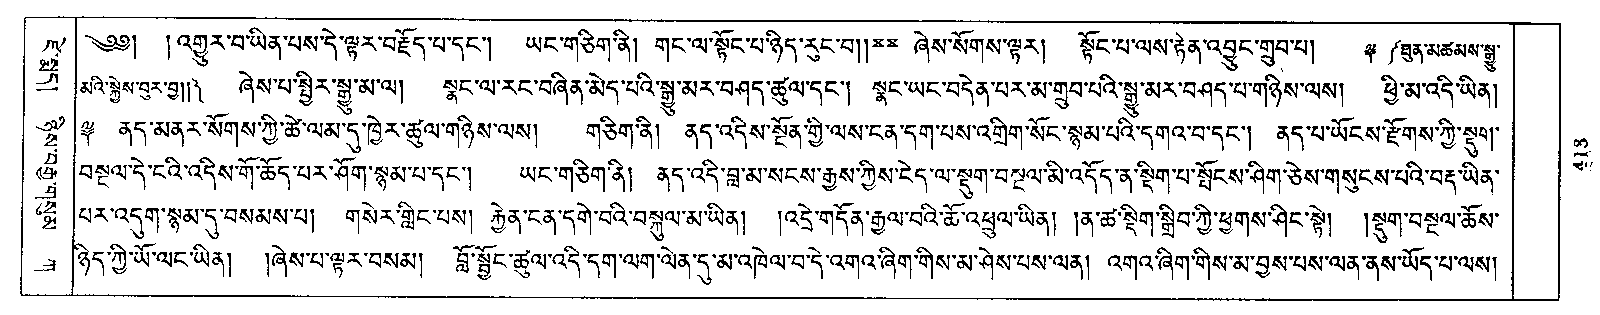༄༅། །འགྱུར་བ་ཡིན་པས་དེ་ལྟར་བརྗོད་པ་དང་། ཡང་གཅིག་ནི། གང་ལ་སྟོང་པ་ཉིད་རུང་བ།། ྾་྾་ཞེས་སོགས་ལྟར། སྟོང་པ་ལས་རྟེན་འབྱུང་གྲུབ་པ། ༈ ཐུན་མཚམས་སྒྱུ་
མའི་སྐྱེས་བུར་བྱ།།?་ཞེས་པ་སྤྱིར་སྒྱུ་མ་ལ། སྣང་ལ་རང་བཞིན་མེད་པའི་སྒྱུ་མར་བཤད་ཚུལ་དང་། སྣང་ཡང་བདེན་པར་མ་གྲུབ་པའི་སྒྱུ་མར་བཤད་པ་གཉིས་ལས། ཕྱི་མ་འདི་ཡིན།
༈ ནད་མནར་སོགས་ཀྱི་ཚེ་ལམ་དུ་ཁྱེར་ཚུལ་གཉིས་ལས། གཅིག་ནི། ནད་འདིས་སྔོན་གྱི་ལས་ངན་དག་པས་འགྲིག་སོང་སྙམ་པའི་དགའ་བ་དང་། ནད་པ་ཡོངས་རྫོགས་ཀྱི་སྡུག་
བསྔལ་དེ་ངའི་འདིས་གོ་ཆོད་པར་ཤོག་སྙམ་པ་དང་། ཡང་གཅིག་ནི། ནད་འདི་བླ་མ་སངས་རྒྱས་ཀྱིས་ངེད་ལ་སྡུག་བསྔལ་མི་འདོད་ན་སྡིག་པ་སྤོངས་ཤིག་ཅེས་གསུངས་པའི་བརྡ་ཡིན་
པར་འདུག་སྙམ་དུ་བསམས་པ། གསེར་གླིང་པས། རྐྱེན་ངན་དགེ་བའི་བསྐུལ་མ་ཡིན། །འདྲེ་གདོན་རྒྱལ་བའི་ཆོ་འཕྲུལ་ཡིན། །ན་ཚ་སྡིག་སྒྲིབ་ཀྱི་ཕྱགས་ཤིང་སྟེ། །སྡུག་བསྔལ་ཆོས་
ཉིད་ཀྱི་ཡོ་ལང་ཡིན། །ཞེས་པ་ལྟར་བསམ། བློ་སྦྱོང་ཚུལ་འདི་དག་ལག་ལེན་དུ་མ་འཁེལ་བ་དེ་འགའ་ཞིག་གིས་མ་ཤེས་པས་ལན། འགའ་ཞིག་གིས་མ་བྱས་པས་ལན་ནས་ཡོད་པ་ལས།